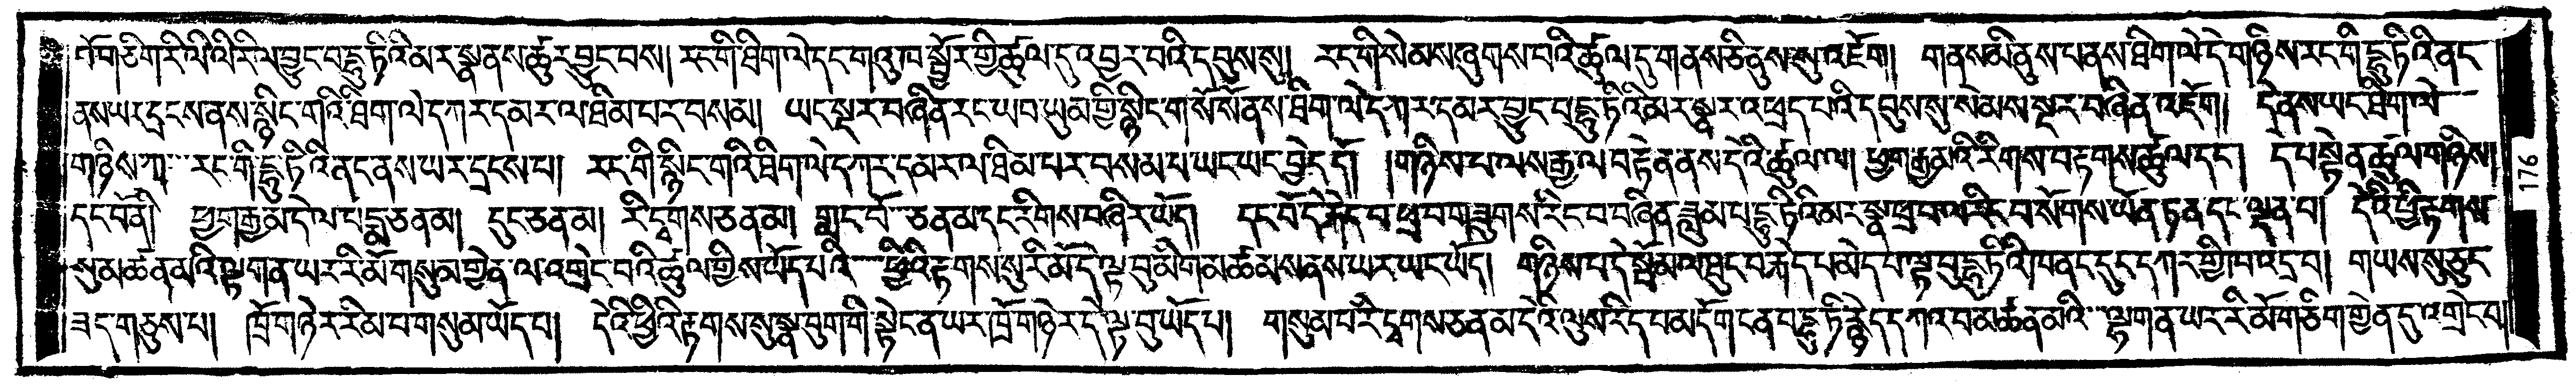པོ་གཅིག་རི་ལི་ལི་རིལ་བྱུང་བ་དྷུ་ཏིའི་མར་སྣ་ནས་ཚུར་བྱུང་བས། རང་གི་ཐིག་ལེ་དང་གའུ་ཁ་སྦྱོར་གྱི་ཚུལ་དུ་འབྱར་བའི་དབུས་སུ། རང་གི་སེམས་ཞུགས་བའི་ཚུལ་དུ་གནས་ཅི་ནུས་སུ་འཇོག། གནས་མི་ནུས་པ་ནས་ཐིག་ལེ་དེ་གཉིས་རང་གི་དྷུ་ཏིའི་ནང་
ནས་ཡར་དྲངས་ནས་སྙིང་གའི་ཐིག་ལེ་དཀར་དམར་ལ་ཐིམ་པར་བསམ། ཡང་སྔར་བཞིན་རང་ཡབ་ཡུམ་གྱི་སྙིང་ག་སོ་སོ་ནས་ཐིག་ལེ་དཀར་དམར་བྱུང་བ་དྷུ་ཏིའི་མར་སྣར་འཕྲད་པའི་དབུས་སུ་སེམས་སྔར་བཞིན་འཇོག། དེ་ནས་ཡང་ཐིག་ལེ་
གཉིས་ཀ་རང་གི་དྷུ་ཏིའི་ནང་ནས་ཡར་དྲངས་པ། རང་གི་སྙིང་གའི་ཐིག་ལེ་དཀར་དམར་ལ་ཐིམ་པར་བསམ་པ་ཡང་ཡང་བྱེད་དོ། །གཉིས་པ་ལས་རྒྱ་ལ་བརྟེན་ནས་དེའི་ཚུལ་ལ། ཕྱག་རྒྱ་མའི་རིགས་བརྟགས་ཚུལ་དང་། དེ་བསྟེན་ཚུལ་གཉིས།
དང་པོ་ནི། ཕྱག་རྒྱ་མ་དེ་ལ་པདམ་ཅན་མ། དུང་ཅན་མ། རི་དྭགས་ཅན་མ། གླང་པོ་ཅན་མ་དང་རིགས་བཞིར་ཡོད། དང་པོ་དེ་རྐེད་པ་ཕྲ་བ་གཟུགས་རིང་བ་བཞིན་ཟླུམ་པ་དྷུ་ཏིའི་མར་སྣ་ཕྲ་བ་ལ་རིང་བ་སོགས་ཡོན་ཏན་དང་ལྡན་པ། དེའི་ཕྱི་རྟགས་
སུ་མཚན་མའི་ལྟག་ན་ཡར་རི་མོ་གསུམ་གྱེན་ལ་འགྲེང་བའི་ཚུལ་གྱིས་ཡོད་པའི་ཕྱིའི་རྟགས་སུ་རི་མོ་དེ་ལྟ་བུ་མིག་མཚམས་ནས་ཡར་ཡང་ཡོད། གཉིས་པ་དེ་སྦོམ་ལ་ཐུང་པ་རྐེད་པ་མེད་པ་ལྟ་བུ་དྷུ་ཏིའི་ཁ་ནང་དུང་དཀར་གྱི་ཁ་འདྲ་བ། གཡས་སུ་ཅུང་
ཟད་གཅུས་པ། ཁྲོ་གཉེར་རིམ་པ་གསུམ་ཡོད་པ། དེའི་ཕྱིའི་རྟགས་སུ་སྣ་བུག་གི་སྟེང་ན་ཡར་ཁྲོ་གཉེར་དེ་ལྟ་བུ་ཡོད་པ། གསུམ་པ་རི་དྭགས་ཅན་མ་དེའི་ལུས་རིད་པ་མདོག་ངན་པ་དྷུ་ཏི་རྙེད་དཀའ་བ་མཚན་མའི་ལྷག་ན་ཡར་རི་མོ་གཅིག་གྱེན་དུ་འགྲེང་བ་